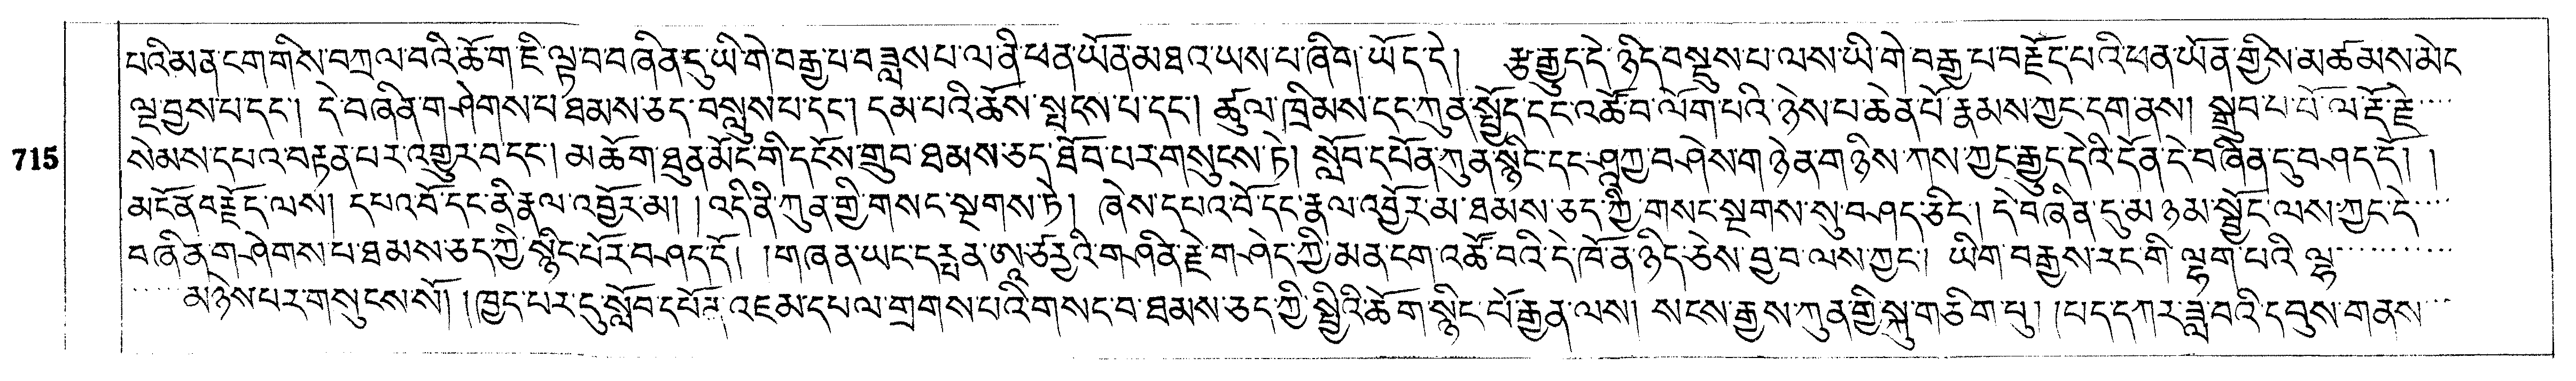པའི་མན་ངག་གིས་བཀྲལ་བའི་ཆོ་ག་ཇི་ལྟ་བ་བཞིན་དུ་ཡི་གེ་བརྒྱ་པ་བཟླས་པ་ལ་ནི་ཕན་ཡོན་མཐའ་ཡས་པ་ཞིག་ཡོད་དེ། རྩ་རྒྱུད་དེ་ཉིད་བསྡུས་པ་ལས་ཡི་གེ་བརྒྱ་པ་བརྗོད་པའི་ཕན་ཡོན་གྱིས་མཚམས་མེད་
ལྔ་བྱས་པ་དང་། དེ་བཞིན་གཤེགས་པ་ཐམས་ཅད་བསླུས་པ་དང་། དམ་པའི་ཆོས་སྤངས་པ་དང་། ཚུལ་ཁྲིམས་དང་ཀུན་སྤྱོད་དང་འཚོ་བ་ལོག་པའི་ཉེས་པ་ཆེན་པོ་རྣམས་ཀྱང་དག་ནས། སྒྲུབ་པ་པོ་ལ་རྡོ་རྗེ་
སེམས་དཔའ་བརྟན་པར་འགྱུར་བ་དང་། མཆོག་ཐུན་མོང་གི་དངོས་གྲུབ་ཐམས་ཅད་ཐོབ་པར་གསུངས་ཏེ། སློབ་དཔོན་ཀུན་སྙིང་དང་ཤཱཀྱ་བཤེས་གཉེན་གཉིས་ཀས་ཀྱང་རྒྱུད་དེའི་དོན་དེ་བཞིན་དུ་བཤད་དོ། །
མངོན་བརྗོད་ལས། དཔའ་བོ་དང་ནི་རྣལ་འབྱོར་མ། །འདི་ནི་ཀུན་གྱི་གསང་སྔགས་ཏེ། ཞེས་དཔའ་བོ་དང་རྣལ་འབྱོར་མ་ཐམས་ཅད་ཀྱི་གསང་སྔགས་སུ་བཤད་ཅིང་། དེ་བཞིན་དུ་མཉམ་སྦྱོང་ལས་ཀྱང་དེ་
བཞིན་གཤེགས་པ་ཐམས་ཅད་ཀྱི་སྙིང་པོར་བཤད་དོ། །གཞན་ཡང་དརྤན་ཨཱ་ཙརྱའི་གཤིན་རྗེ་གཤེད་ཀྱི་མན་ངག་འཚོ་བའི་དེ་ཁོ་ན་ཉིད་ཅེས་བྱ་བ་ལས་ཀྱང་། ཡིག་བརྒྱས་རང་གི་ལྷག་པའི་ལྷ་
མཉེས་པར་གསུངས་སོ། །ཁྱད་པར་དུ་སློབ་དཔོན་འཇམ་དཔལ་གྲགས་པའི་གསང་བ་ཐམས་ཅད་ཀྱི་སྤྱིའི་ཆོག་སྙིང་པོ་རྒྱན་ལས། སངས་རྒྱས་ཀུན་གྱི་སྐུ་གཅིག་པུ། །པད་དཀར་ཟླ་བའི་དབུས་གནས་